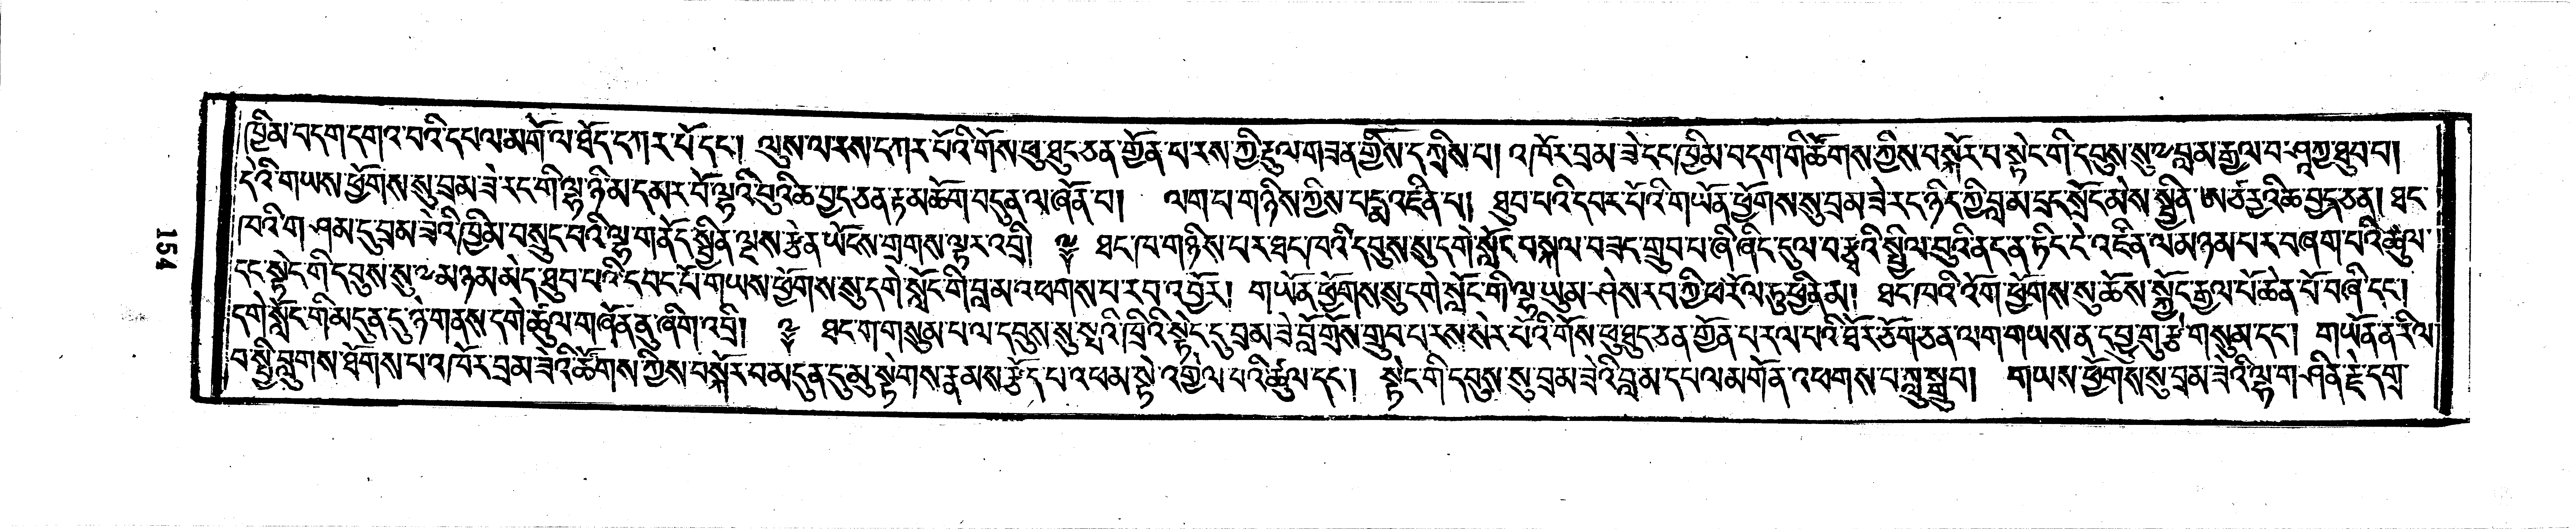ཁྱིམ་བདག་དགའ་བའི་དཔལ་མགོ་ལ་ཐོད་དཀར་པོ་དང་། ལུས་ལ་རས་དཀར་པོའི་གོས་ཕུ་ཐུང་ཅན་གྱོན་པ་རས་ཀྱི་རྡུལ་གཟན་གྱིས་དཀྲིས་པ། འཁོར་བྲམ་ཟེ་དང་ཁྱིམ་བདག་གི་ཚོགས་ཀྱིས་བསྐོར་བ་སྟེང་གི་དབུས་སུ་༧་བླ་མ་རྒྱལ་བ་ཤཱཀྱ་ཐུབ་པ།
དེའི་གཡས་ཕྱོགས་སུ་བྲམ་ཟེ་རང་གི་ལྷ་ཉི་མ་དམར་པོ་ལྷའི་བུའི་ཆ་བྱད་ཅན་རྟ་མཆོག་བདུན་ལ་ཞོན་པ། ལག་པ་གཉིས་ཀྱིས་པདམ་འཛིན་པ། ཐུབ་པའི་དབར་པོའི་གཡོན་ཕྱོགས་སུ་བྲམ་ཟེ་རང་ཉིད་ཀྱི་བླ་མ་དྲང་སྲོང་མེས་སྦྱིན་ཨ་ཙྲྱའི་ཆ་བྱད་ཅན། ཐང་
ཁའི་གཤམ་དུ་བྲམ་ཟེའི་ཁྱིམ་བསྲུང་བའི་ལྷ་གནོད་སྦྱིན་ལྡས་རྩེན་ཡོངས་གྲགས་ལྟར་འབྲི། ༈ ཐང་ཁ་གཉིས་པར་ཐང་ཁའི་དབུས་སུ་དགེ་སློང་བསྐལ་བཟང་གྲུབ་པ་ཞི་ཞིང་དུལ་བ་རྩྭའི་སྤྱིལ་བུའི་ནང་ན་ཏིང་ངེ་འཛིན་ལ་མཉམ་པར་བཞག་པའི་ཚུལ་
དང་སྟེང་གི་དབུས་སུ་༧་མཉམ་མེད་ཐུབ་པའི་དབང་པོ་གཡས་ཕྱོགས་སུ་དགེ་སློང་གི་བླ་མ་འཕགས་པ་རབ་འབྱོར། གཡོན་ཕྱོགས་སུ་དགེ་སློང་གི་ལྷ་ཡུམ་ཤེས་རབ་ཀྱི་ཕ་རོལ་ཏུ་ཕྱིན་མ། ཐང་ཁའི་འོག་ཕྱོགས་སུ་ཆོས་སྐྱོང་རྒྱལ་པོ་ཆེན་པོ་བཞི་དང་།
དགེ་སློང་གི་མདུན་དུ་ཉེ་གནས་དགེ་ཚུལ་གཞོན་ནུ་ཞིག་འབྲི། ༈ ཐང་ག་གསུམ་པ་ལ་དབུས་སུ་སྤའི་ཁྲིའི་སྟེང་དུ་བྲམ་ཟེ་བློ་གྲོས་གྲུབ་པ་རས་སེར་པོའི་གོས་ཕུ་ཐུང་ཅན་གྱོན་པ་རལ་པའི་ཐོར་ཅོག་ཅན་ལག་གཡས་ན་དབྱུ་གུ་རྩེ་གསུམ་དང་། གཡོན་ན་རིལ་
བ་སྤྱི་བླུགས་ཐོགས་པ་འཁོར་བྲམ་ཟེའི་ཚོགས་ཀྱིས་བསྐོར་བ་མདུན་དུ་མུ་སྟེགས་རྣམས་རྩོད་པ་འཕམ་སྟེ་འགྱེལ་པའི་ཚུལ་དང་། སྟེང་གི་དབུས་སུ་བྲམ་ཟེའི་བླ་མ་དཔལ་མགོན་འཕགས་པ་ཀླུ་སྒྲུབ། གཡས་ཕྱོགས་སུ་བྲམ་ཟེའི་ལྷ་གཤིན་རྗེ་དགྲ་